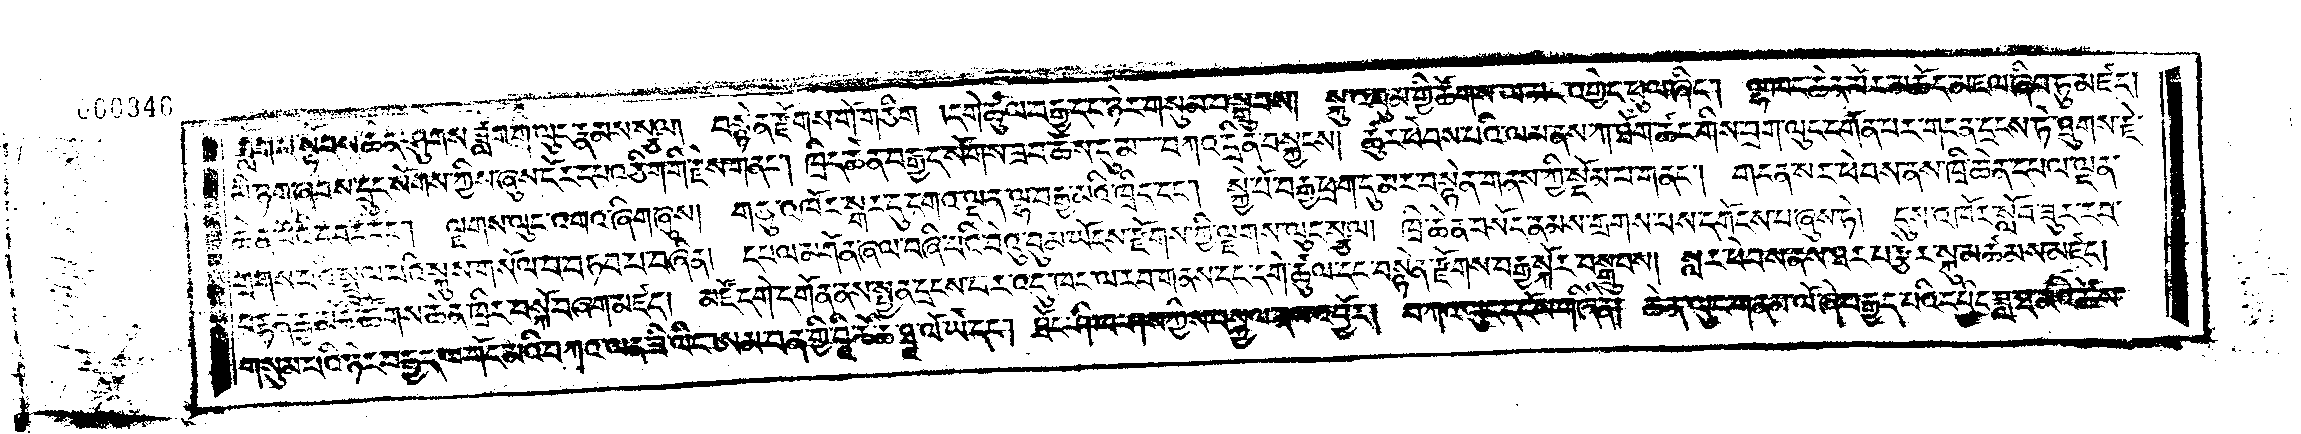ཟློག་པ་སྟོབས་ཆེན་ཤུགས་ཟློག་གི་ལུང་རྣམས་སྩལ། བསྙེན་རྫོགས་གོ་གཅིག །དགེ་ཚུལ་བརྒྱ་དང་ཉེར་གསུམ་བསྒྲུབས། སྐུ་འབུམ་གྱི་ཚོགས་ལ་མང་འགྱེད་ཕུལ་ཞིང་། ལྷ་ཁང་ཆེན་མོར་མཆོད་མཇལ་ཞིབ་ཏུ་མཛད།
མི་ཉག་ཞབས་དྲུང་སོགས་ཀྱིས་ཞུས་དོར་དཔའ་ཅིག་གི་རྗེས་གནང་། ཁྲིད་ཆེན་བརྒྱད་སོགས་ཟབ་ཆོས་དུ་མ་བཀའ་དྲིན་བསྐྱངས། ཚུར་ཕེབས་པའི་ལམ་ནས་ཀ་ཐོག་ཚང་གིས་བྲག་ལུང་དགོན་པར་གདན་དྲངས་ཏེ་ཐུགས་རྗེ་
ཆེན་པོའི་དབང་དང་། ལྗགས་ལུང་འགའ་ཞིག་ཞུས། གཅུ་འཁོར་སྒར་དུ་དགའ་ལྡན་ལྷ་བརྒྱ་མའི་ཁྲིད་དང་། སྐྱེ་བོ་བརྒྱ་ཕྲག་དུ་མར་བསྙེན་གནས་ཀྱི་སྡོམ་པ་གནང་། གདན་སར་ཕེབས་ནས་ཁྲི་ཆེན་དཔལ་ལྡན་
གྲགས་པའི་སྤྲུལ་པའི་སྐུས་གསོལ་བ་བཏབ་པ་བཞིན། དཔལ་མགོན་ཞལ་བཞི་པའི་བེའུ་བུམ་ཡོངས་རྫོགས་ཀྱི་ལྗགས་ལུང་སྩལ། ཁྲི་ཆེན་བསོད་ནམས་གྲགས་པས་དགོངས་པ་ཞུས་ཏེ། དུས་འཁོར་སློབ་ཟུར་རབ་
བརྟན་རྒྱ་མཚོ་ཚོགས་ཆེན་ཁྲིར་བསྒོ་བཞག་མཛད། མཛོ་དགེ་དགོན་ནས་སྤྱན་དྲངས་པར་འདུ་ཁང་ལ་རབ་གནས་དང་དགེ་ཚུལ་དང་བསྙེན་རྫོགས་བརྒྱ་སྐོར་བསྒྲུབས། སླར་ཕེབས་ནས་ཐར་པ་རྩེར་སྐུ་མཚམས་མཛད།
གསུམ་པའི་ཉེར་བརྒྱད་ལ་གོང་མའི་བཀའ་ལན་ཟི་ལིང་ཨམ་བན་གྱི་བཱི་ཆེ་ཆི་ཐཱ་ལོ་ཡེ་དང་། ཐོང་ཤི་ཁ་ཤས་ཀྱིས་བསྐྱལ་ནས་འབྱོར། བཀའ་ལུང་དངོས་གཞི་ནི། ཆེན་ལུང་གནམ་ལོ་ཞེ་བརྒྱད་པའི་དཔྱིད་ཟླ་ཐ་མའི་ཚེས་